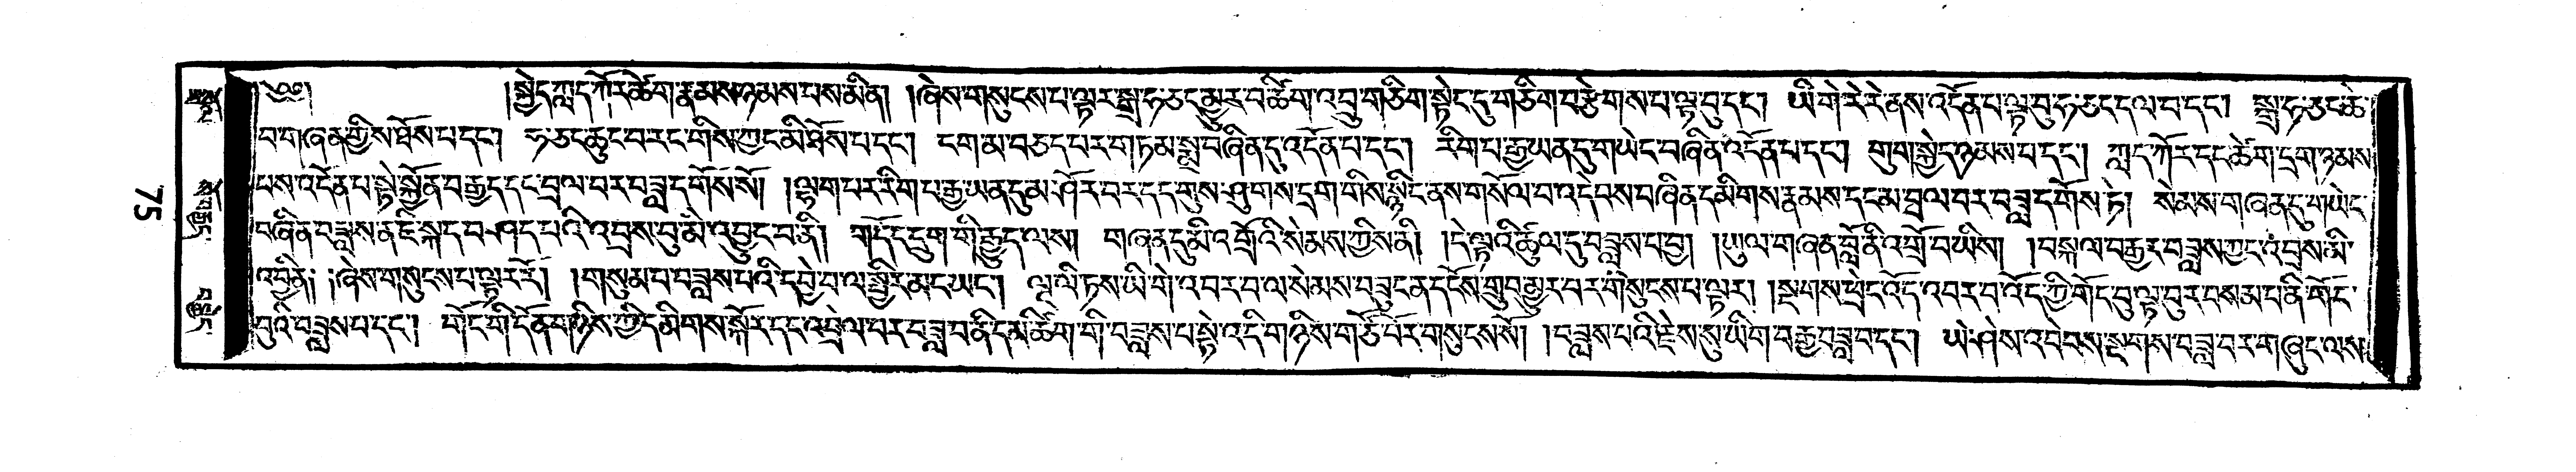༄༅། །སྐྱེད་ཀླད་ཀོར་ཚིག་རྣམས་ཉམས་པས་མིན། །ཞེས་གསུངས་པ་ལྟར་སྒྲ་ཧ་ཅང་མྱུར་བ་ཚིག་འབྲུ་གཅིག་སྟེང་དུ་གཅིག་བརྩེགས་པ་ལྟ་བུ་དང་། ཡི་གེ་རེ་རེ་ནས་འདོན་པ་ལྟ་བུ་ཧ་ཅང་དལ་བ་དང་། སྒྲ་ཧ་ཅང་ཆེ་
བ་གཞན་གྱིས་ཐོས་པ་དང་། ཧ་ཅང་ཆུང་བ་རང་གིས་ཀྱང་མི་ཐོས་པ་དང་། ངག་མ་བཅད་པར་གཏམ་སྨྲ་བཞིན་དུ་འདོན་པ་དང་། རིག་པ་རྒྱ་ཡན་དུ་གཡེངས་བཞིན་འདོན་པ་དང་། གུག་སྐྱེད་ཉམས་པ་དང་། ཀླད་ཀོར་དང་ཚེག་དྲག་ཉམས་
པས་འདོན་པ་སྟེ་སྐྱོན་བརྒྱད་དང་བྲལ་བར་བཟླ་དགོས་སོ། །ལྷག་པར་རིག་པ་རྒྱ་ཡན་དུ་མ་ཤོར་བར་དད་གུས་ཤུགས་དྲག་གིས་སྙིང་ནས་གསོལ་བ་འདེབས་བཞིན་དམིགས་རྣམ་དང་མ་བྲལ་བར་བཟླ་དགོས་ཏེ། སེམས་གཞན་དུ་གཡེང་
བཞིན་བཟླས་ན་ཇི་སྐད་བཤད་པའི་འདྲས་བུ་མི་འབྱུང་བ་ནི། གདོང་དྲུག་གི་རྒྱུད་ལས། གཞན་དུ་མི་འགྲོའི་སེམས་ཀྱིས་ནི། །དེ་ལྟའི་ཚུལ་དུ་བཟླས་པ་བྱ། །ཡུལ་གཞན་བློ་ནི་འགྲོ་བ་ཡིས། །བསྐལ་བ་རྒྱར་བཟླས་ཀྱང་འབྲས་མི་
འབྱིན། །ཞེས་གསུངས་པ་ལྟར་རོ། །གསུམ་པ་བཟླས་པའི་དབྱེ་བ་ལ་སྤྱིར་མང་ཡང་། ལ་ལཱི་ཏས་ཡི་གེ་འབར་བ་ལ་སེམས་བཟུང་ན་དངོས་གྲུབ་མྱུར་བར་གསུངས་པ་ལྟར། སྔགས་ཕྲེང་འོད་འབར་བ་འོད་ཀྱི་གོང་བུ་ལྟ་བུར་བསམ་པ་ནི་གོང་
བུའི་བཟླས་པ་དང་། གོང་གི་དོན་གཉིས་ཀྱི་དམིགས་སྐོར་དང་འབྲེལ་བར་བཟླ་བ་ནི་དམ་ཚིག་གི་བཟླས་པ་སྟེ་འདི་གཉིས་གཙོ་བོར་གསུངས་སོ། །བཟླས་པའི་རྗེས་སུ་ཡིག་བརྒྱ་བཟླ་བ་དང་། ཡེ་ཤེས་འབེབས་སྔགས་བཟླ་བར་གཞུང་ལས་